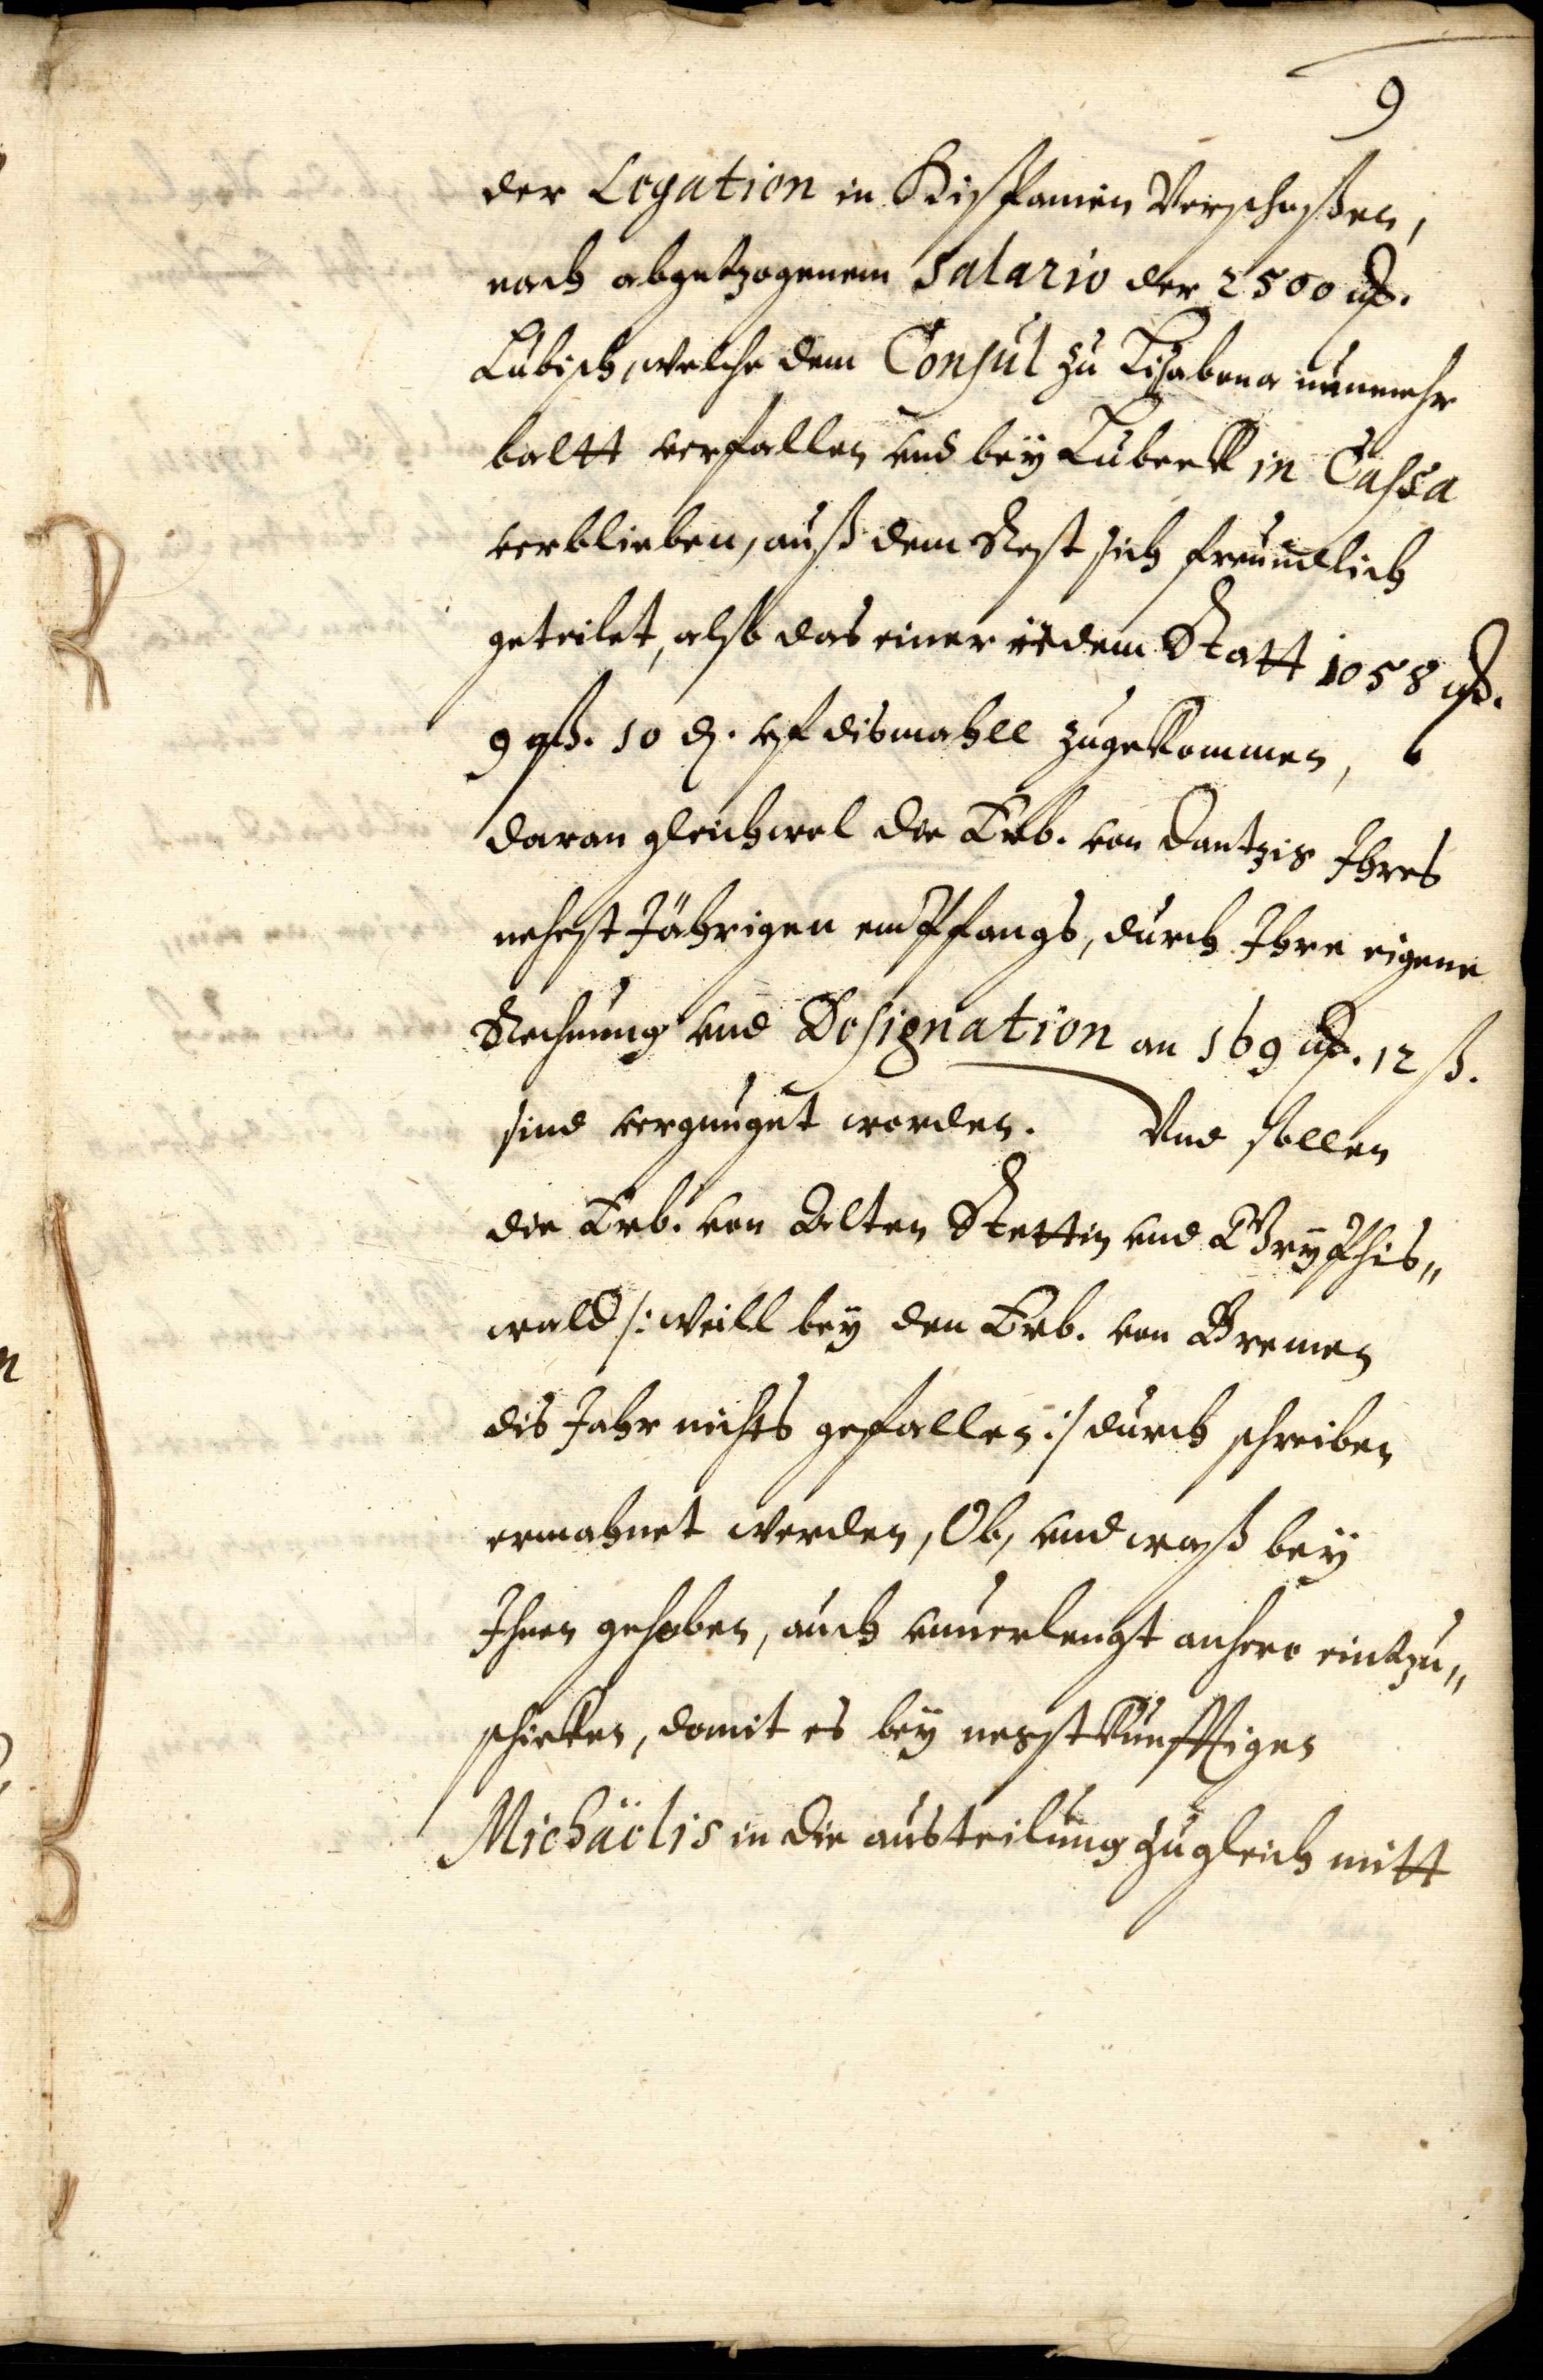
9
der Legation in Hispanien Verschoßen,
nach abgetzogenem Salario der 2500 ₻.
Lubisch, welche dem Consul zu Lißabona nunmehr
baltt verfallen vnd beij Lubeck in Cassa
verblieben, auß dem Rest sich freundlich
geteilet, alß das einer iedem Statt 1058 ₻.
9 ß. 50 d. vf dismahll zugekommen,
daran gleichwol die Erb. von Dantzig Ihres
nehest Jährigen empfangs, durch Ihre eigene
Rechnung vnd Designation an 169 ₻. 12 ß.
sind vergnuget worden. Vnd sollen
die Erb: von Alten Stettin vnd Grijphis¬
wald /: weill beij den Erb. von Bremen
dis Jahr nichts gefallen :/ durch schreiben
ermahnet werden, Ob, vnd waß beij
Ihnen gehoben, auch vnuerlengt anhero eintzu¬
schicken, damit es beij negstkunfftigen
Michaelis in die austeilung zugleich mitt
